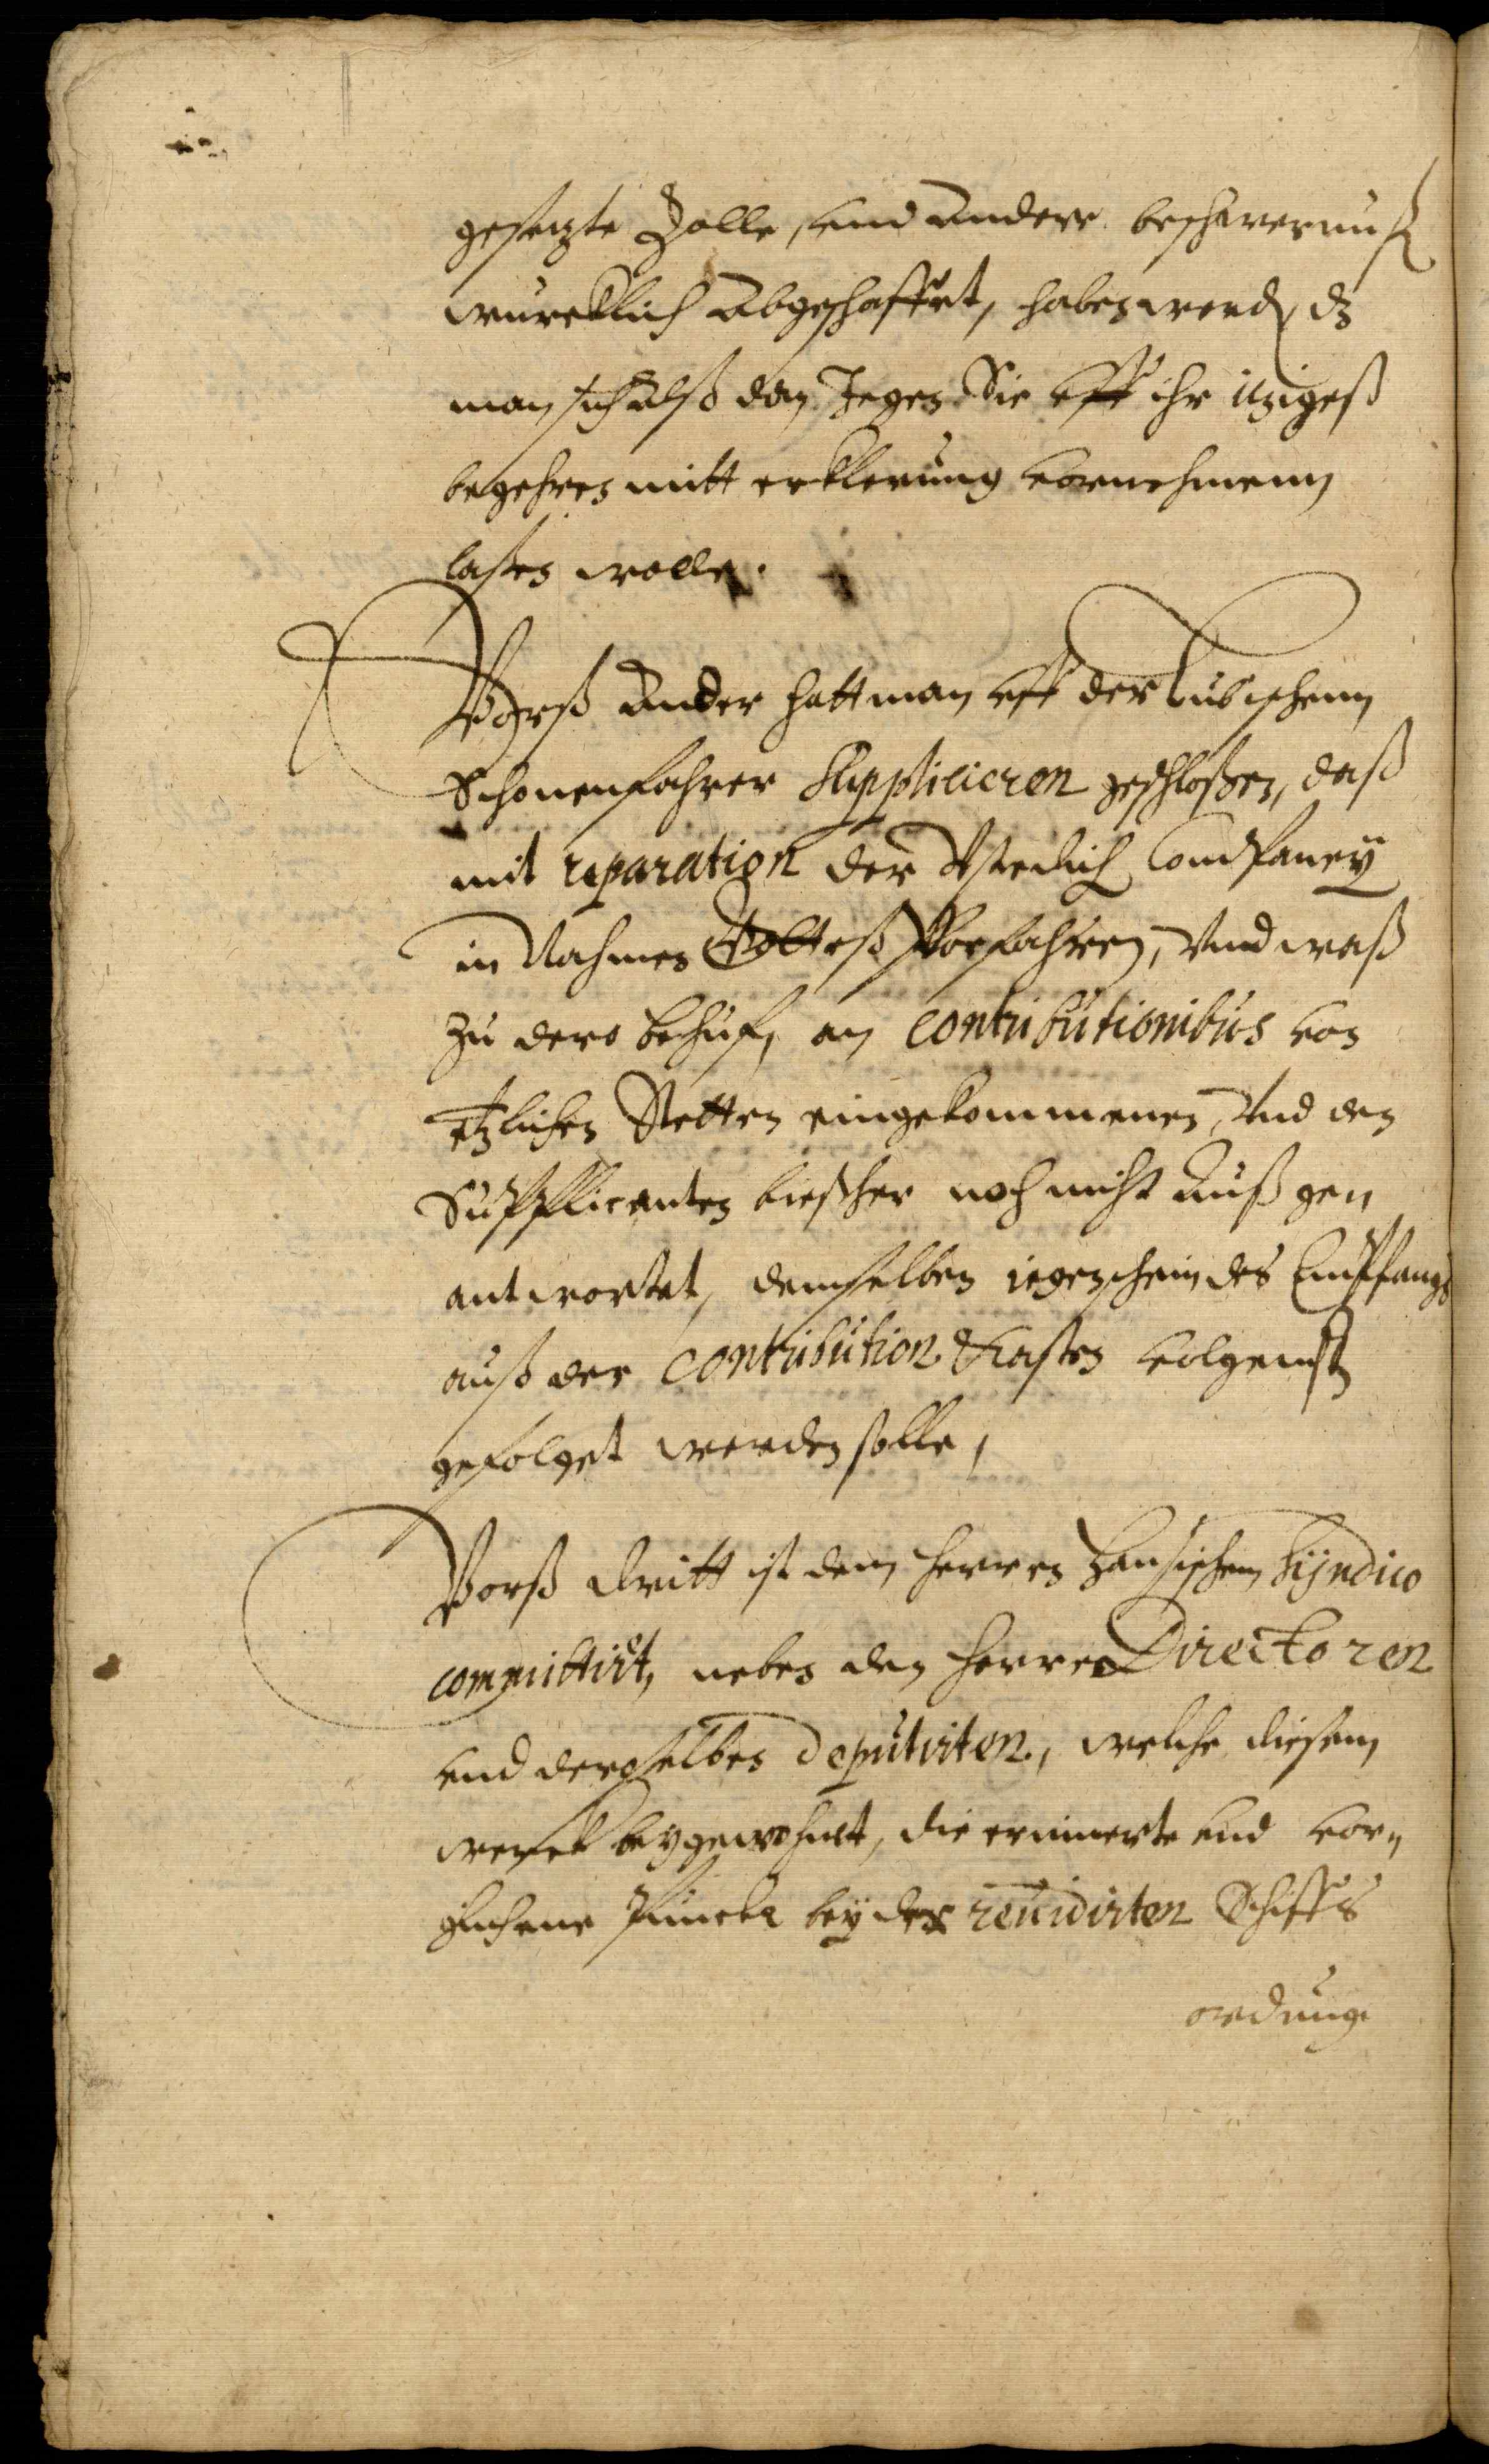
gesetzte Zolle, vnd Andere beschwernuß
wurklich Abgeschaffet, haben worden, das
man sich Alß dan Jegen sie vff ihr itzigeß
begehren mitt erklerung vornehmenn
laßen wolle.
Vorß Ander hatt man vff der Lubischenn
Schonenfahrer Suppliciren geschloßen, daß
mit reparation der Vstedichen Companeij
in Nahmen Gotteß Vorfahren, Vnd waß
zu dero behuf, an contributionibus von
etzlichen Stetten eingekommenen, vnd den
Supplicanten bießher noch nicht Auß ge¬
antwortet, demselben iegen schein des Empfangs
auß der Contribution Kasten volgents
gefolget werden solle,
Vorß dritt ist dem herren Hansischen Sijndico
computtirt, neben den herren Directoren
vnd deroselben deputirten, welche diesem
werck beijgewohnet, die erinnerte vnd vor¬
glichene Puncte beij der reuidirten Schiffs
ordunge
